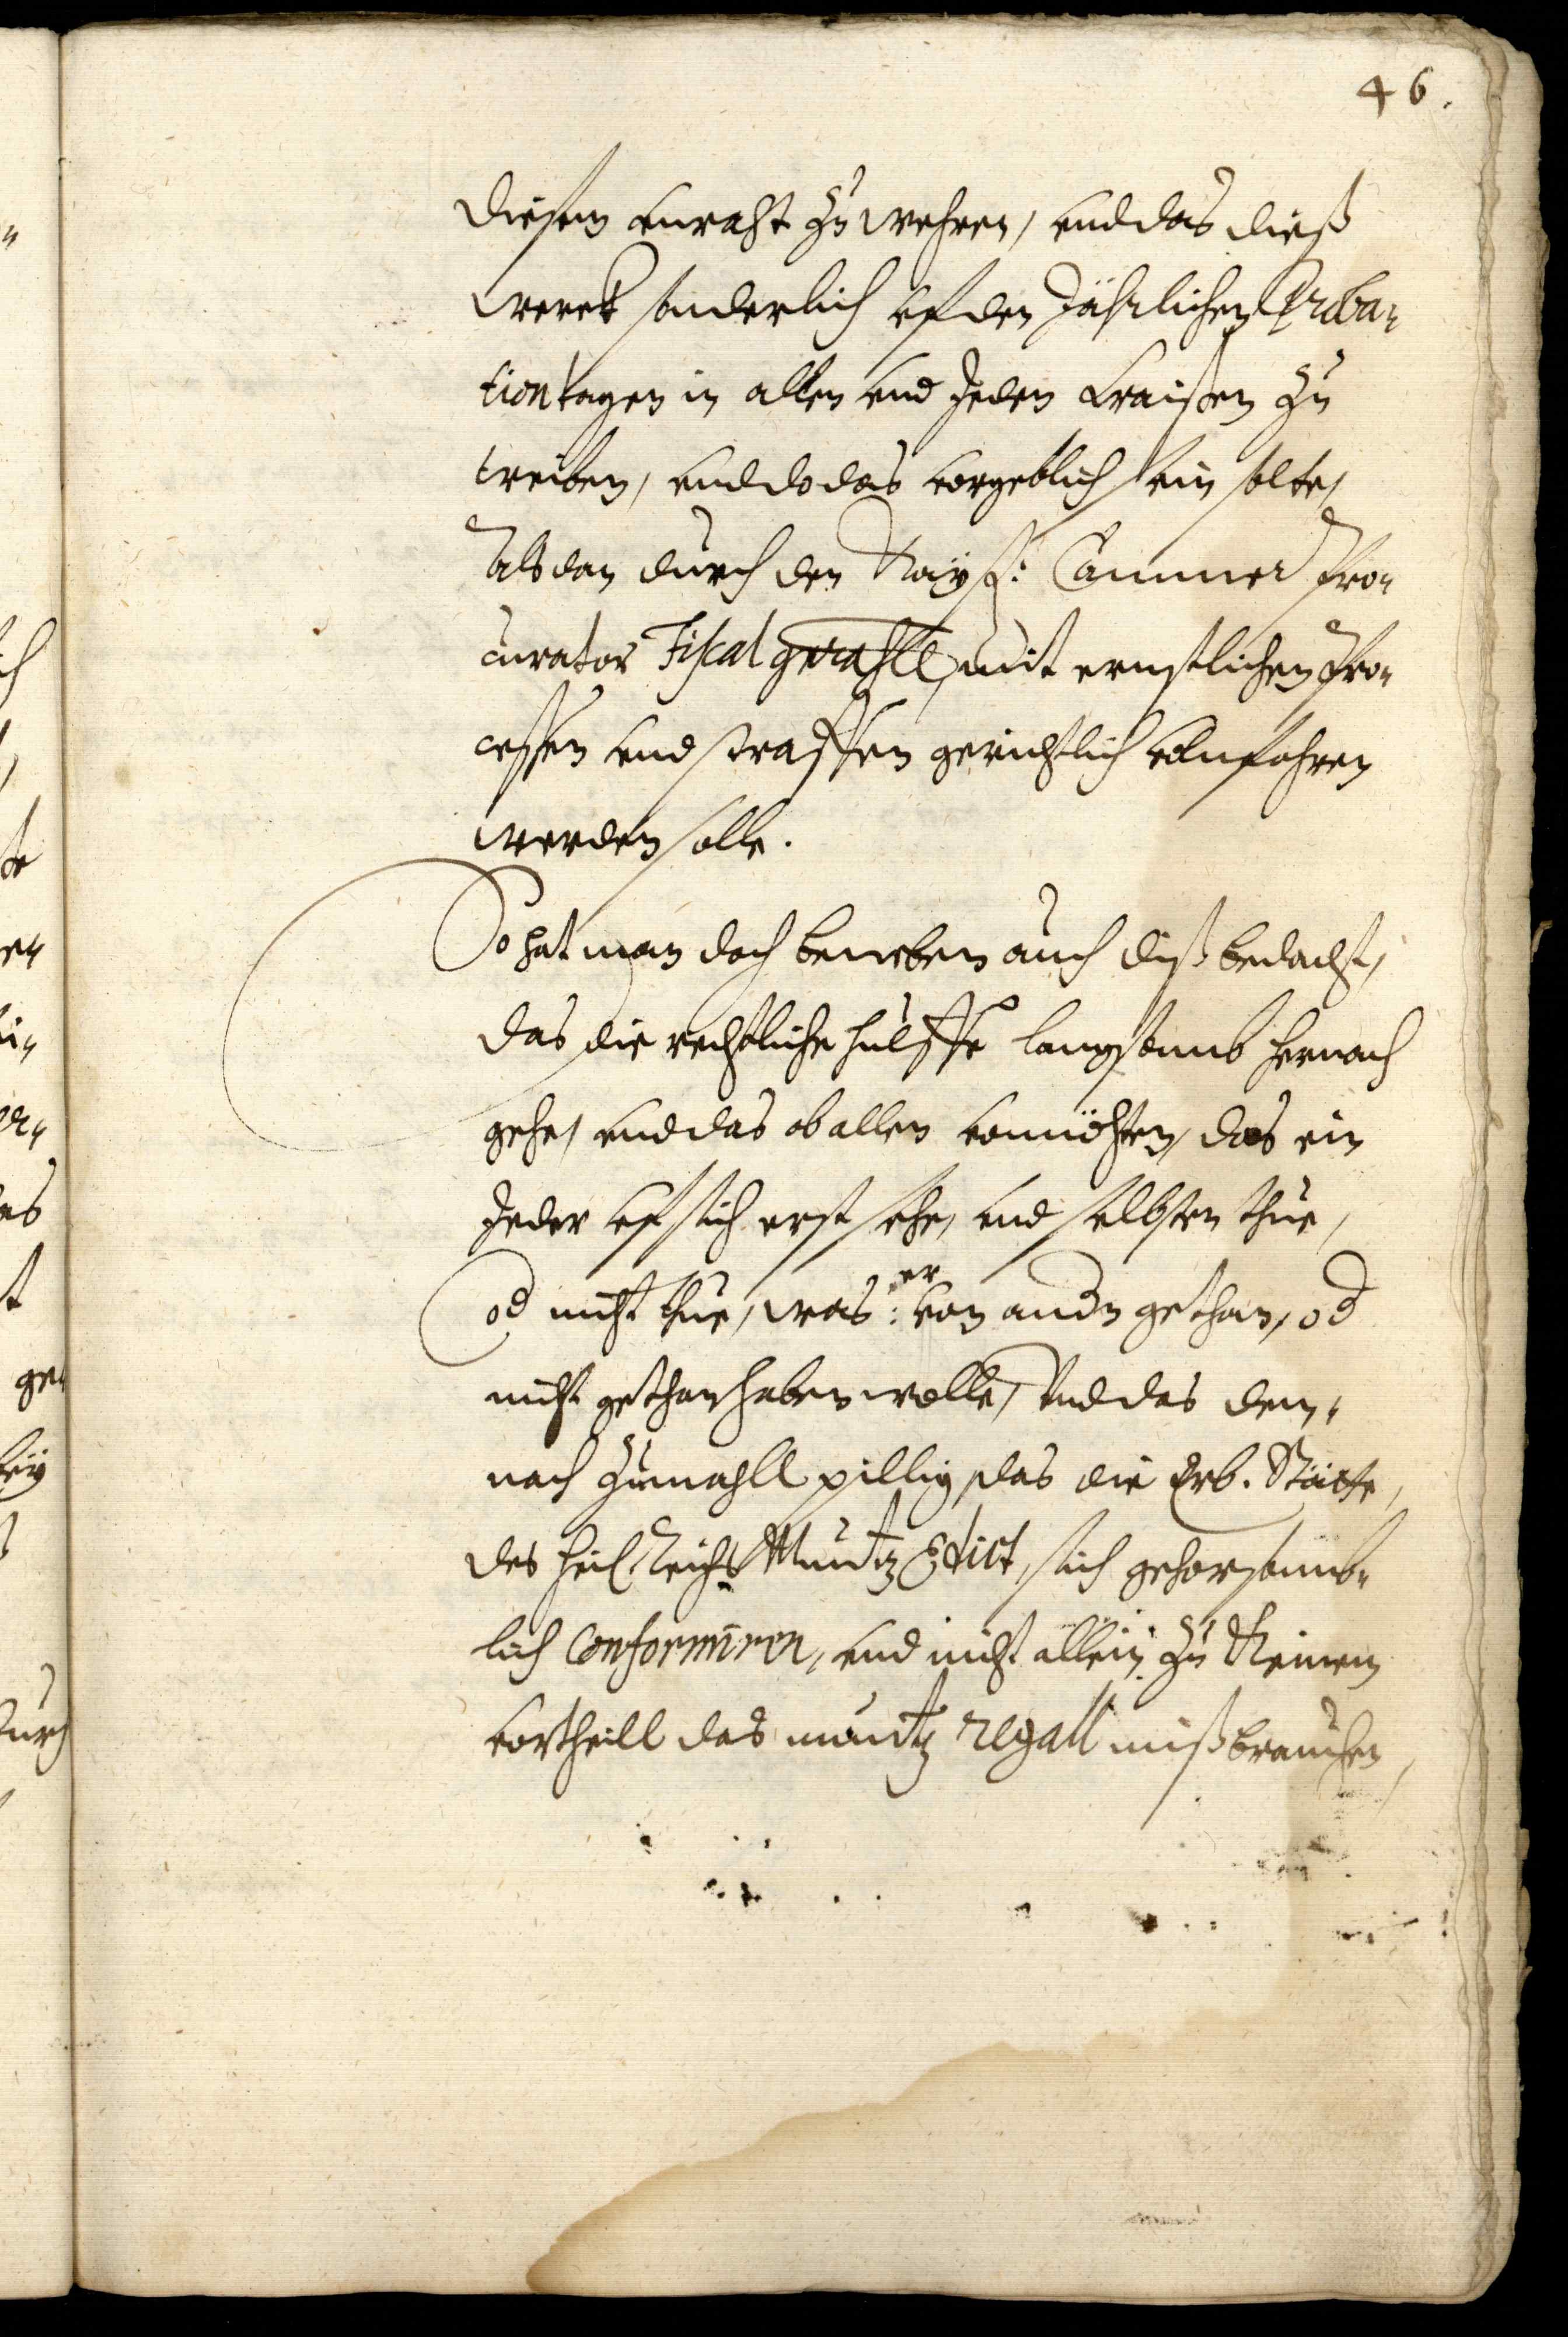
46.
diesen vnrath wehren, vnd das dieß
werck sonderlich vf den Jährlichen ?raba¬
tionstagen in allen vnd Jeden Craisen zu
treiben, vnd do das vorgeblich sein solte,
Alsdan durch den Kaijs: Cammerpro¬
curator Fiscalgerahll mit ernstlichen Pro¬
cessen vnd straffen gerichtlich volnfahen
werden solle.
So hat man doch beneben auch diß bedacht,
das die rechtliche hulffe langsamb herauf
gehet, vnd das ob allen vonnöthen, das ein
Jeder vf sich erst sehr, vnd selbsten thue
+er
oder nicht thue, was +er: von andern gethan oder
nicht gethan haben wolle, vnd das dem¬
nach zumahll pillig, das die Erb. Stätte,
des heil. reichs Muntz Edict, sich gehorsamb¬
lich confirmirn, vnd nicht allein zu reinem
vortheill das muntz regall mißbrauchen,
